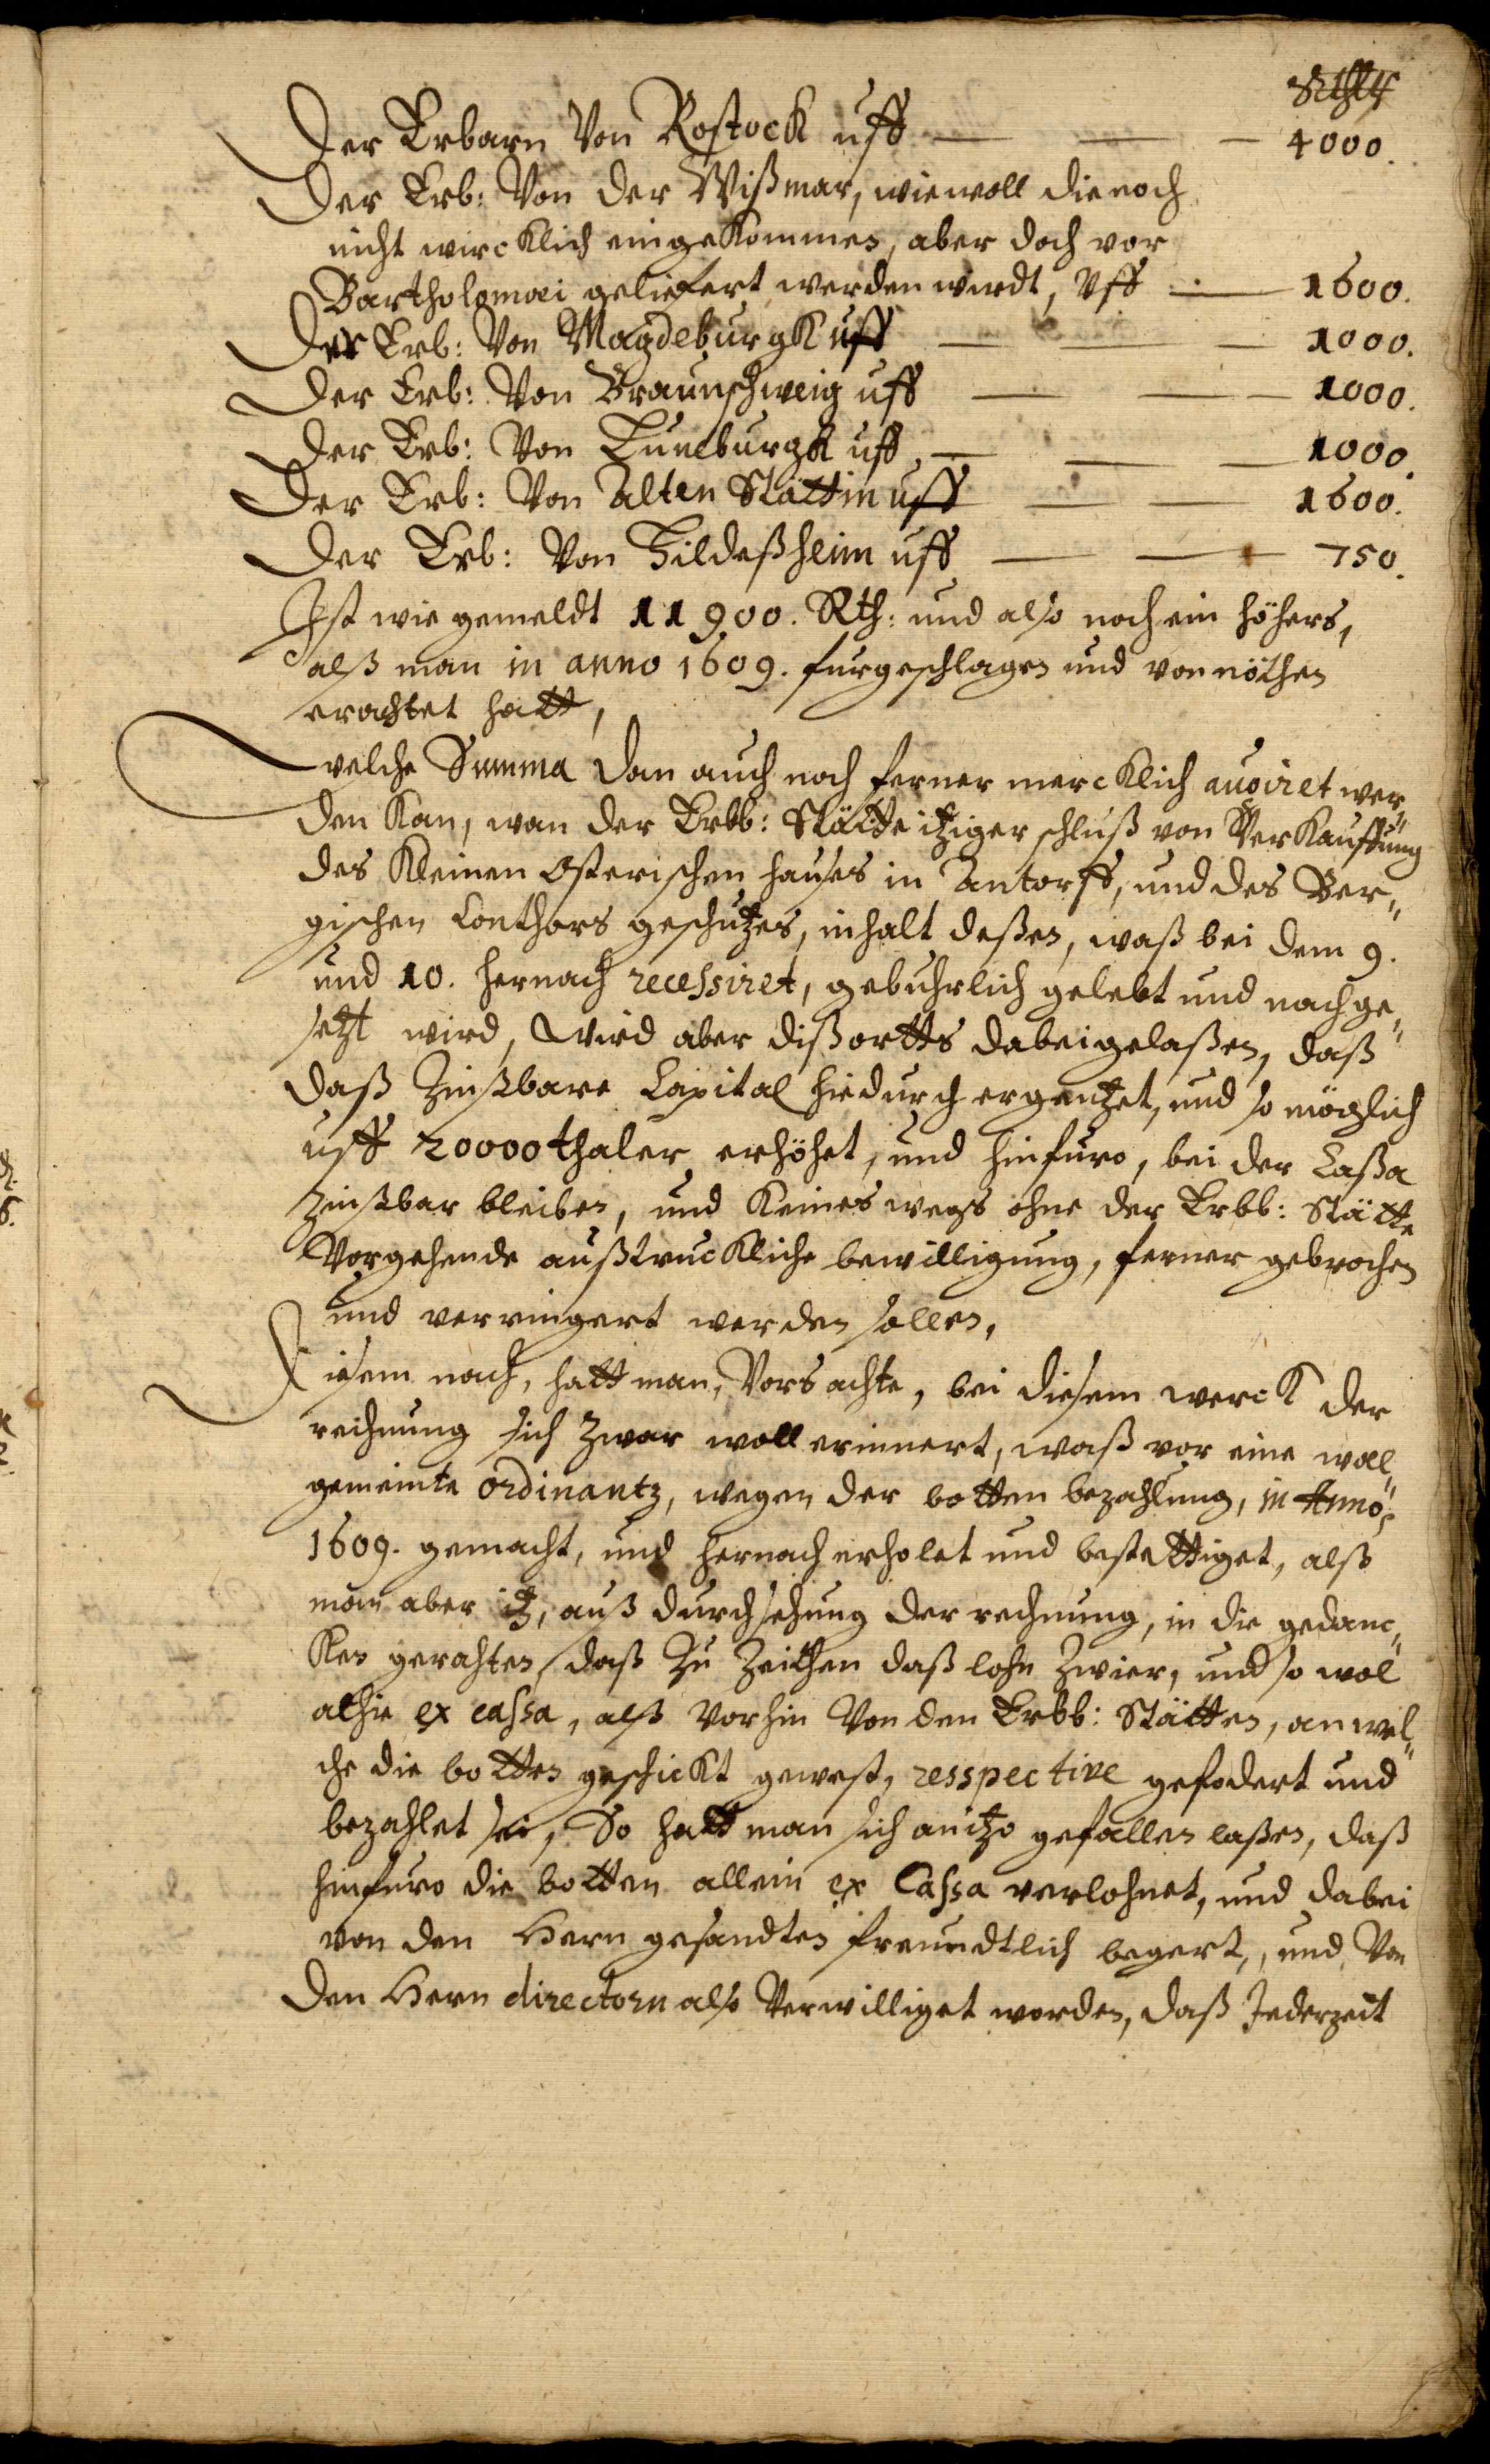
Rthlr
Der Erbarn von Rostock uff - - - 4000.
Der Erb: von der Wißmar, wiewoll die noch
nicht wircklich eingekommen, aber doch vor
Bartholomaei geliefert werden wirdt, vff - 1600.
Der Erb: von Magdeburgk uff - - - 1000.
Der Erb: von Braunschweig uff - - - 1000.
Der Erb: von Luneburgk uff - - - 1000.
Der Erb: von Alten Stättin uff - - 1600.
Der Erb: von Hildeßheim uff - - - 750.
Ist wie gemeldt 11900 Rth: und also noch ein höhers,
alß man in anno 1609. furgeschlagen und von nöthen
erachtet hatt,
Welche Summa dan auch noch ferner mercklich augiret wer¬
den kan, wan der Erbb: Stätte itziger schluß von Verkauffung
des Kleinen Osterischen hauses in Antorff, und des Ber¬
gischen Conthors geschutzes, inhalt deßen, waß bei dem 9.
und 10. hernach recessiret, gebuhrlich gelebt und nachge¬
setzt wird, Wird aber diß ortts dabei gelaßen, daß
daß Zinßbare Capital hiedurch ergentzet, und so möglich
uff 20000 thaler erhöhet, und hinfuro, bei der Caßa
zinßbar bleiben, und keines wegs ohne der Erbb: Stätte
vorgehende außtruckliche bewilligung, ferner gebrochen
vnd verringert werden sollen,
Diesem nach, hatt man vors achte, bei diesem werck der
rechnung sich zwar woll erinnert, waß vor eine woll¬
gemeinte ordinantz, wegen der botten bezahlung, in Anno p
1609. gemacht, und hernach erholet und bestettiget, also
man aber itz, auß durchsehung der rechnung, in die gedanc¬
ken gerahten, daß zu zeithen daß lohn Zwier, und so wol
alhie ex cassa, alß vorhin von den Erbb: Stätten, an wel¬
che die botten geschickt gewest, resspective gefodert und
bezahlet sei, So hatt man sich anitzo gefallen laßen, daß
hinfuro die botten allein ex Cassa verlohnet, und dabei
von den Hern gesandten freundtlich begert, und Von
den Hern directorn also verwilliget worden, daß Jederzeit
